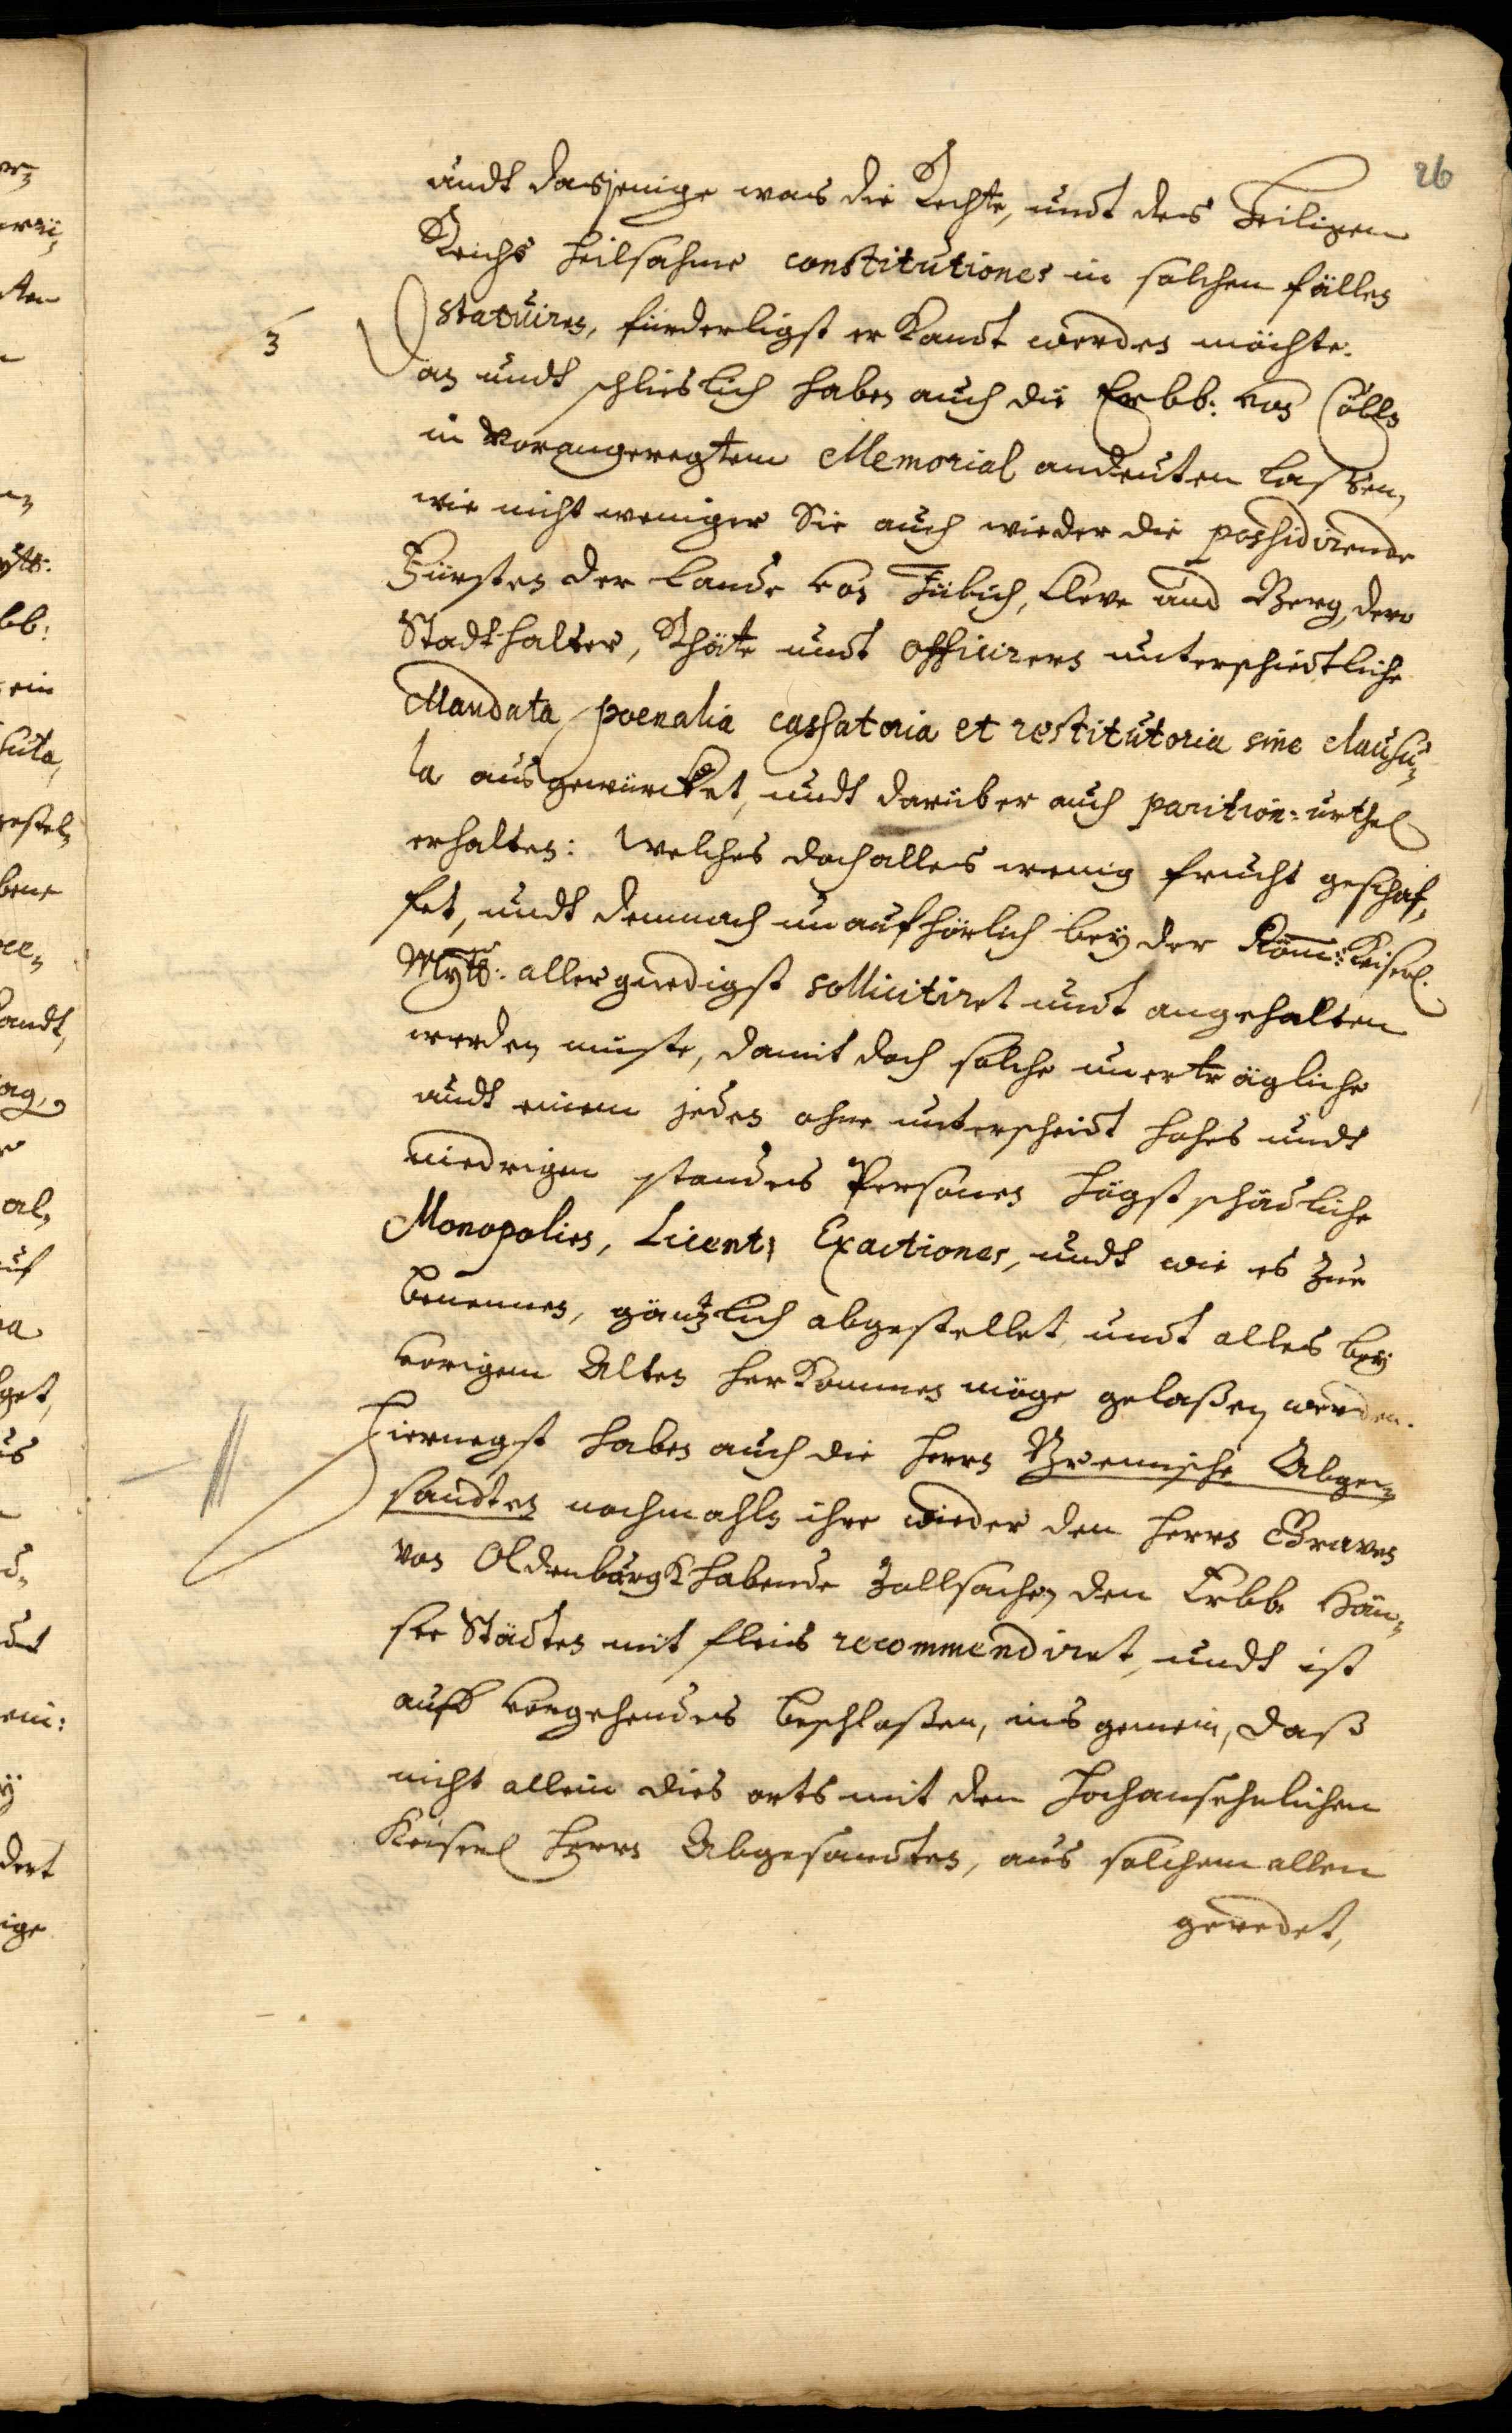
26
undt dasjenige was die Rechte, undt des Heiligen
Reichs heilsahme constitutiones in solchen fällen
statuiren, fürderligst erkandt werden möchte.
3
Dan undt schlieslich haben auch die Erbb: von Cölln
in vorangeregtem Memorial andeuten lassen,
wie nicht weniger Sie auch wieder die possidirende
fürsten der lande von Jülich, Cleve und Berg, dero
Stadthalter, Rhäte undt Officirern unterschiedtliche
Mandat poenalia cassatoria et restitutoria sine clausu¬
la ausgewürcket, undt darüber auch parition:urthel
erhalten: Welches doch alles wenig frucht geschaf¬
fet, undt demnach unaufhörlich beij der Röm: Keiserl.
Mijtt: allergnedigst sollicitiret undt angehalten
werden müste, damit doch solche unerträgliche
undt einem jeden ohne unterscheidt hohes undt
niedrigen standes Personen högst schädliche
Monopolien, Licent, Exactiones, undt wie es zue
benennen, gäntzlich abgestellet undt alles beij
vorigem Alten herkommen möge gelaßen werden.
Hiernegst haben auch die herren Bremische Abge¬
sandten nochmahln ihre wieder den herren Graven
von Oldenburgk habende zollsachen den Erbb: Hän¬
see Städten mit fleis recommendiret, undt ist
auff vorgehendes beschloßen, ins gemein, daß
nicht allein dies orts mit den hochansehnlichen
Keiserl. herren Abgesandten, aus solchem allen
geredet,
